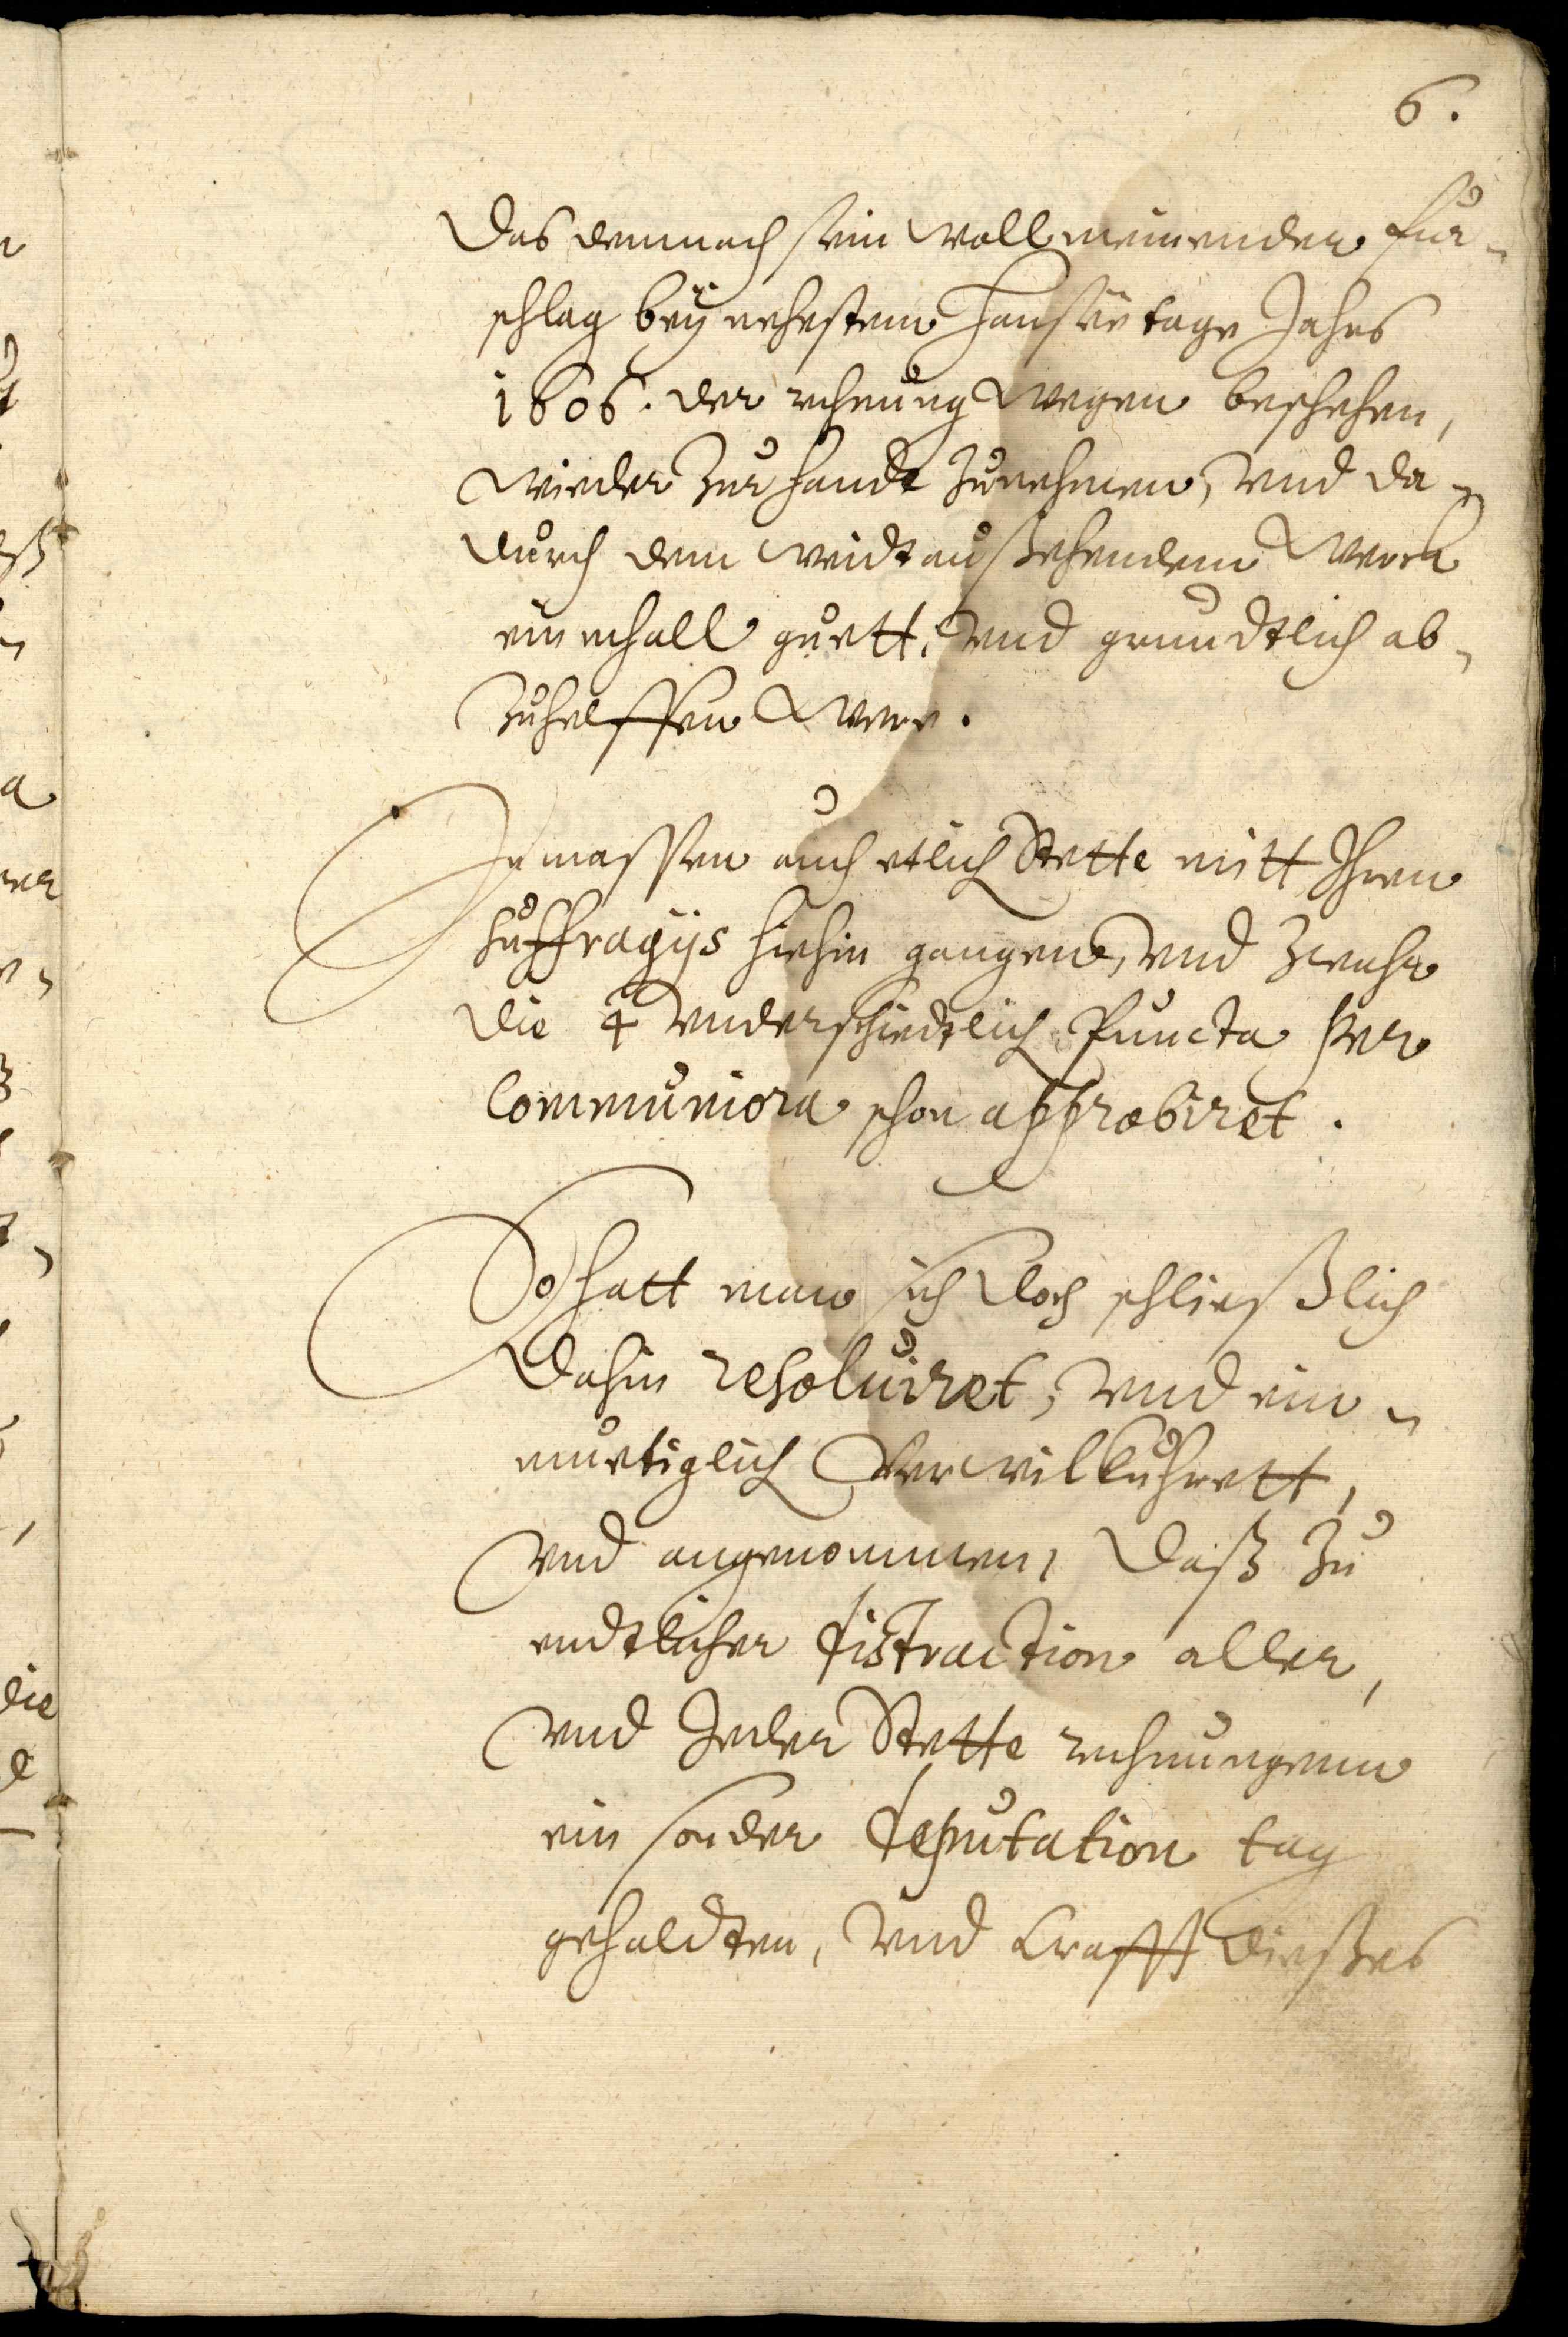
6.
das demnach sein wollmeinender fur¬
schlag beij nehestem Hansetage Jahrs
1606, der rechnung wegen beschehen,
wieder Zur handt zu nehmen, vnd da¬
durch dem weidt austehendem Werck
ein mhall guett, vnd grundtlich ab¬
zuhelffen were.
In massen auch etliche Stette mitt Ihren
suffragijs hirhin gangen,vnd zwahr
die 4 Vnderschiedlichen Puncta per
Communiora schon approbiret.
So hatt man sich doch schließlich
dahin resoluiret, vnd ein¬
muetiglichen verwilkuhrett,
vnd angenommen, daß zu
endtlicher distraction aller,
vnd jeder Stette rechnungenn
ein sonder teputation tag
gehaldten, vnd Crafft dießes
